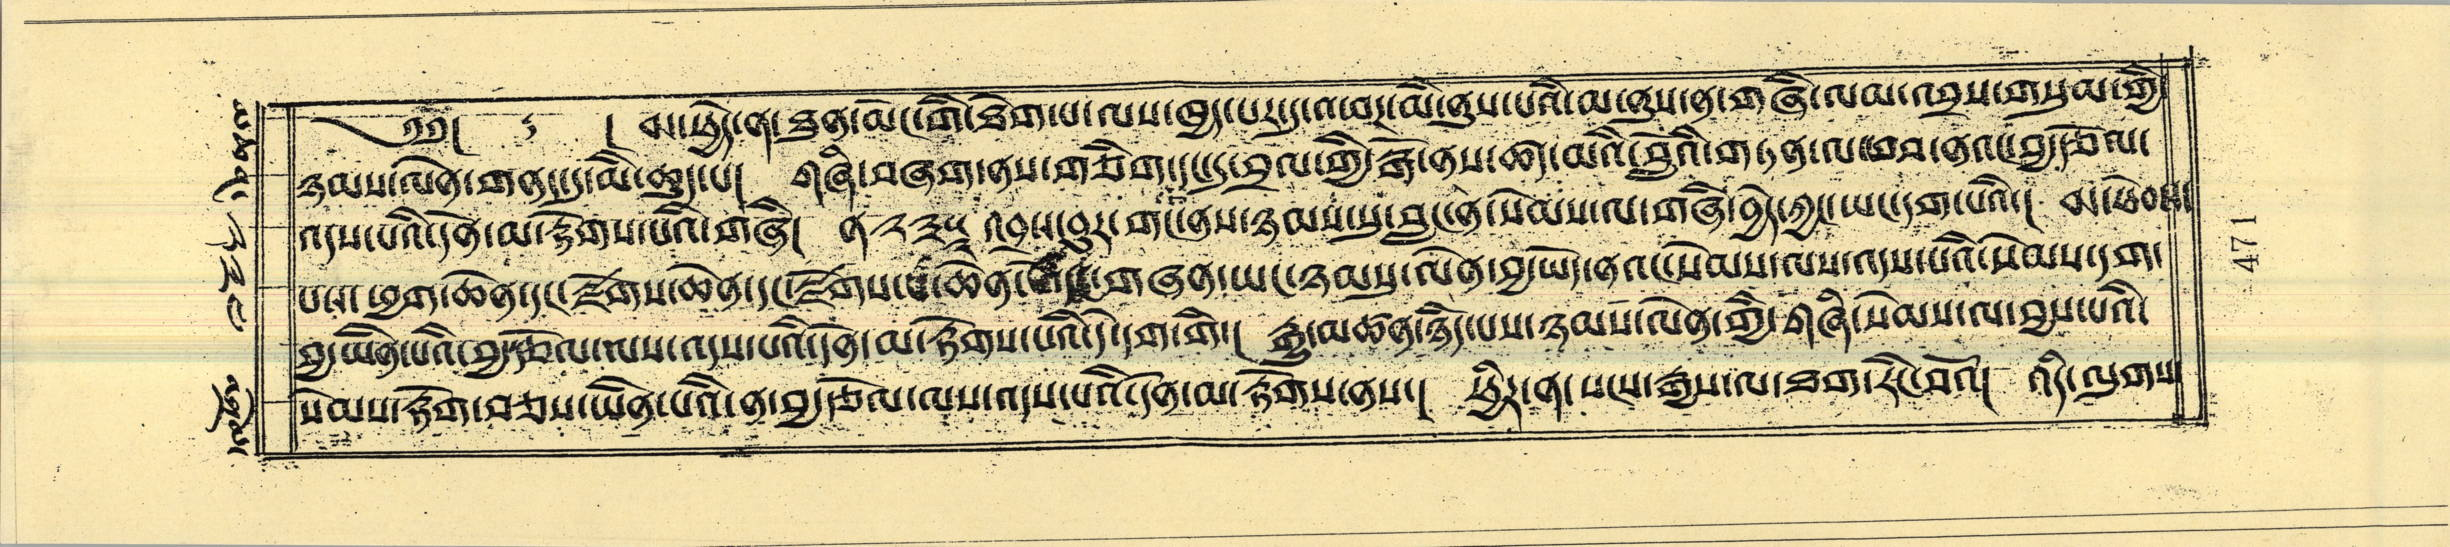མ་ཕྱེད་ན་ཐུན་མོང་གི་ཐེག་པ་ལས་ཁྱད་པར་དུ་འཕགས་མི་ནུས་པའི་མ་ནུས་ན་གཞི་ལམ་འབྲས་གསུམ་གྱི་
ཉམས་ལེན་གནད་དུ་མི་ཆུད་པ་ གཞི་བཞག་ནས་གཅིག་དང་དུ་བྲལ་གྱི་སྒོ་ནས་ཚད་མའི་བློའི་གཏན་ལ་ཕབས་ནའང་བྱ་རྩོལ་
འདས་པའི་དོན་མ་རྟོགས་པའི་གཞི་ ན༢༣༥།༢འབྲས་བུར་གང་ནས་ཉམས་སུ་བླང་ན་སེམས་ལ་གཞི་བྱེད་ཀྱང་ཡང་དག་པའི་ མ་ཕེབས་
པས་ཕྱག་ཆེན་དང་རྫོགས་ཆེན་དང་རྫོགས་པ་ཆེན་པོ་གཞན་ཡང་ཉམས་སུ་ལེན་བྱ་ཡོད་ནའང་སེམས་ལས་འདས་པའི་སེམས་དག་
བྱ་ཡིན་པའི་བྱ་རྩོལ་ལས་འདས་པའི་དོན་མ་རྟོགས་པའི་དེ་དག་གི། རྒྱུ་མཚན་ཉིད་པའི་ཉམས་ལེན་གྱི་གཞི་སེམས་ལ་བྱས་པའི་
སེམས་རྟོག་བཅས་ཡིན་པའི་ན་བྱ་རྩོལ་ལས་འདས་པའི་དོན་མ་རྟོགས་ནས་ཕྱིར་ན་སངས་རྒྱས་ལ་ཐག་རིང་བའོ། འདི་ལུགས་